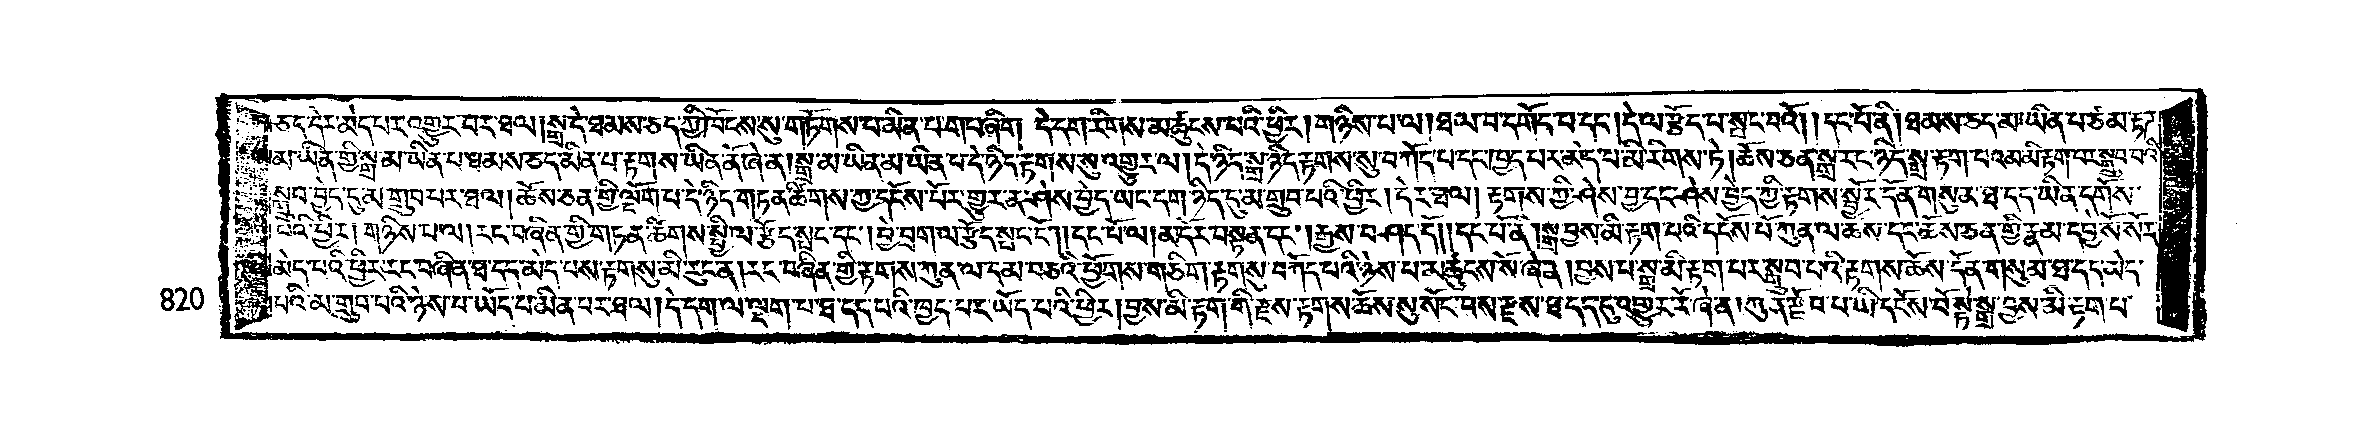ཅད་དེར་མེད་པར་འགྱུར་བར་ཐལ། སྒྲ་དེ་ཐམས་ཅད་ཀྱི་ཁོངས་སུ་གཏོགས་པ་མིན་པ་གང་ཞིག །དེ་དག་རིགས་མཚུངས་པའི་ཕྱིར། གཉིས་པ་ལ། ཐལ་བ་དགོད་པ་དང་། དེ་ལ་རྩོད་པ་སྤང་བའོ། །དང་པོ་ནི། ཐམས་ཅད་མ་ཡིན་པ་ཙམ་རྟགས་
མ་ཡིན་གྱི་སྒྲ་མ་ཡིན་པ་ཐམས་ཅད་མིན་པ་རྟགས་ཡིན་ནོ་ཞེ་ན། སྒྲ་མ་ཡིན་མ་ཡིན་པ་དེ་ཉིད་རྟགས་སུ་འགྱུར་ལ། དེ་ཉིད་སྒྲ་ཉིད་རྟགས་སུ་བཀོད་པ་དང་ཁྱད་པར་མེད་པ་མི་རིགས་ཏེ། ཆོས་ཅན་སྒྲ་རང་ཉིད་སྒྲ་རྟག་པའམ་མི་རྟག་པར་སྒྲུབ་པའི་
སྒྲུབ་བྱེད་དུ་མ་གྲུབ་པར་ཐལ། ཆོས་ཅན་གྱི་ལྡོག་པ་དེ་ཉིད་གཏན་ཚིགས་ཀྱི་དངོས་པོར་གྱུར་ན་ཤེས་བྱེད་ཡང་དག་ཉིད་དུ་མ་གྲུབ་པའི་ཕྱིར། དེར་ཐལ། རྟགས་ཀྱི་ཤེས་བྱ་དང་ཤེས་བྱེད་ཀྱི་རྟགས་སྦྱོར་དོན་གསུམ་ཐ་དད་ཡིན་དགོས་
པའི་ཕྱིར། གཉིས་པ་ལ། རང་བཞིན་གྱི་གཏན་ཚིགས་སྤྱི་ལ་རྩོད་སྤང་དང་། བྱེ་བྲག་ལ་རྩོད་སྤང་ངོ། །དང་པོ་ལ། མདོར་བསྟན་དང་། རྒྱས་བཤད་དོ། །དང་པོ་ནི། སྒྲ་བྱས་མི་རྟག་པའི་དངོས་པོ་ཀུན་ལ་ཆོས་དང་ཆོས་ཅན་གྱི་རྣམ་དབྱེ་སོ་སོར་
མེད་པའི་ཕྱིར་རང་བཞིན་ཐ་དད་མེད་པས་རྟགས་སུ་མི་རུང་ན། རང་བཞིན་གྱི་རྟགས་ཀུན་ལ་དམ་བཅའི་ཕྱོགས་གཅིག་རྟགས་སུ་བཀོད་པའི་ཉེས་པ་མཚུངས་སོ་ཞེ་ན། བྱས་པ་སྒྲ་མི་རྟག་པར་སྒྲུབ་པའི་རྟགས་ཆོས་དོན་གསུམ་ཐ་དད་མེད་
པའི་མ་གྲུབ་པའི་ཉེས་པ་ཡོད་པ་མིན་པར་ཐལ། དེ་དག་ལ་ལྡོག་པ་ཐ་དད་པའི་ཁྱད་པར་ཡོད་པའི་ཕྱིར། བྱས་མི་རྟག་གི་རྫས་རྟགས་ཆོས་སུ་སོང་བས་རྫས་ཐ་དད་དུ་འགྱུར་རོ་ཞེ་ན། ཀུན་རྫོབ་པ་ཡི་?་དངོས་པོ་སྟེ་སྒྲ་བྱས་མི་རྟག་པ་